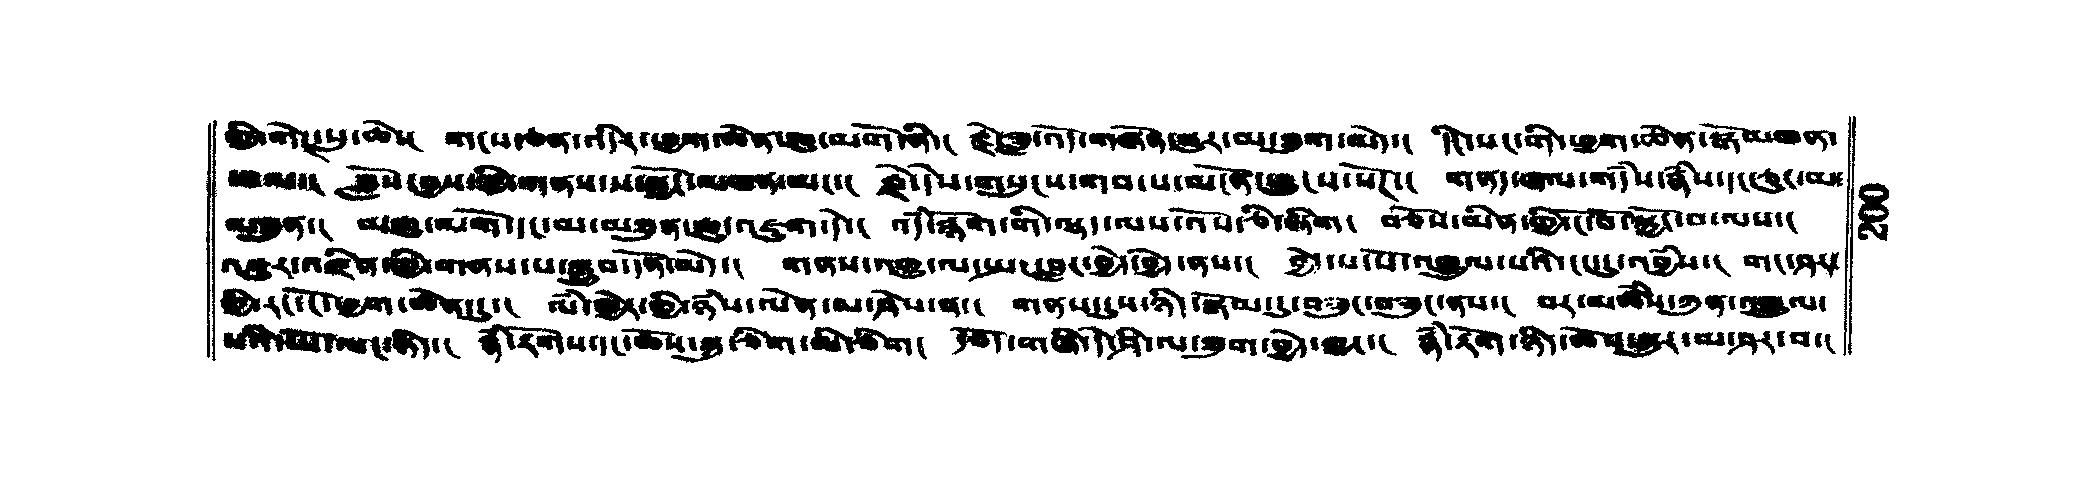གྱི་གེགས་སུ་ཆེ། །གངས་ཆེན་འདིར་ཕྱག་ཆེན་ཆུ་མགོ་ནི། །རྗེ་ཟླ་འོད་གཞོན་ནུར་མ་ཐུག་མེད། །དེང་སང་གི་ཕྱག་ཆེན་སྒོམ་མཁན་
ཕལ། །བློས་བྱས་ཀྱི་གནས་ས་སྦྱོང་མཁན་མང་། །རྗེ་དེས་གསུངས་གབ་པ་མངོན་ཕྱུངས་སོགས། །གནད་ཞལ་གདམས་རྣམས་དང་ཅུང་མ་
མཐུན། །ཆུ་མགོ་དང་མ་མཐུན་ཆུ་འཇུག་དེ། །འདམ་རྙོག་གི་ལྷད་ལས་འོས་ཅི་ཞིག །བཅོས་མིན་གྱི་ངོ་བོ་སྐྱོང་བ་ལས། །
འཇུར་འཛིན་གྱི་གནས་པ་སྒྲུབ་དོན་མེད། །གནས་འགྱུ་ལ་སྤང་བླང་བྱེད་བྱེད་ནས། །བྱེད་པ་པོ་འཁྲུལ་པའི་ངང་དུ་འབྱམས། །གང་ཤར་
གྱི་རང་ངོ་ཕྱག་ཆེན་དུ། །ལམ་ཁྱེར་གྱི་ཉམས་ལེན་མ་ཤེས་ན། །གནས་དུས་ཉིད་སྒོམ་དུ་བཟུང་བཟུང་ནས། །བར་མཚམས་ཀུན་འཁྲུལ་
པའི་ཡོ་ལང་ཉིད། །རྣམ་རྟོག་དང་ཆོས་སྐུ་གཅིག་མི་གཅིག །རྩོད་གཞི་དེ་ཤི་ལ་ཐུག་བྱེད་ཀྱང་། །རྣམ་རྟོག་ཉིད་ཆོས་སྐུར་མ་ཤར་བ།